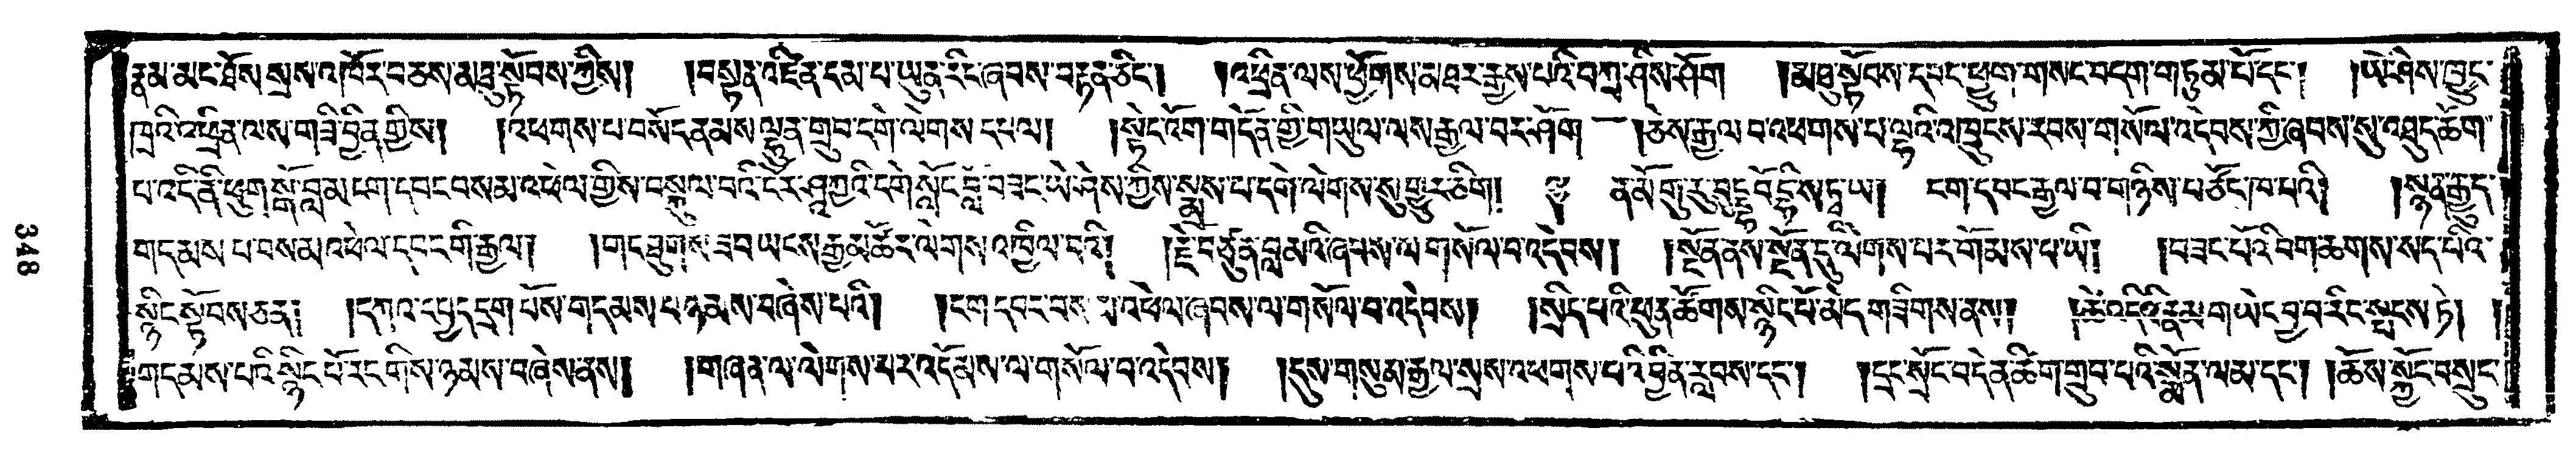རྣམ་མང་ཐོས་སྲས་འཁོར་བཅས་མཐུ་སྟོབས་ཀྱིས། །བསྟན་འཛིན་དམ་པ་ཡུན་རིང་ཞབས་བརྟན་ཅིང་། །འཕྲིན་ལས་ཕྱོགས་མཐར་རྒྱས་པའི་བཀྲ་ཤིས་ཤོག །མཐུ་སྟོབས་དབང་ཕྱུག་གསང་བདག་གཏུམ་པོ་དང་། །ཡེ་ཤེས་ཁྱུང་
ཁྲའི་འཕྲིན་ལས་གཟི་བྱིན་གྱིས། །འཕགས་པ་བསོད་ནམས་ལྷུན་གྲུབ་དགེ་ལེགས་དཔལ། །སྟེང་འོག་གདོན་གྱི་གཡུལ་ལས་རྒྱལ་བར་ཤོག །ཅེས་རྒྱལ་བ་འཕགས་པ་ལྷའི་འཁྲུངས་རབས་གསོལ་འདེབས་ཀྱི་ཞབས་སུ་འཐུད་ཆོག་
པ་འདི་ནི་ཕུག་སྒོ་བླ་མ་ངག་དབང་བསམ་འཕེལ་གྱིས་བསྐུལ་བའི་ངོར་ཤཱཀྱའི་དགེ་སློང་བློ་བཟང་ཡེ་ཤེས་ཀྱིས་སྨྲས་པ་དགེ་ལེགས་སུ་གྱུར་ཅིག། ༈ ན་མོ་གུ་རུ་བུདྡྷ་བོ་དྷི་སཏྭཱ་ཡ། ངག་དབང་རྒྱལ་བ་གཉིས་པ་ཙོང་ཁ་པའི། །སྙན་རྒྱུད་
གདམས་པ་བསམ་འཕེལ་དབང་གི་རྒྱལ། །གང་ཐུགས་ཟབ་ཡངས་རྒྱ་མཚོར་ལེགས་འཁྱིལ་བའི། །རྗེ་བཙུན་བླ་མའི་ཞབས་ལ་གསོལ་བ་འདེབས། །སྔོན་ནས་སྔོན་དུ་ལེགས་པར་གོམས་པ་ཡི། །བཟང་པོའི་བག་ཆགས་སད་པའི་
སྙིང་སྟོབས་ཅན། །དཀའ་དཔྱད་དྲག་པོས་གདམས་པ་ཉམས་བཞེས་པའི། །ངག་དབང་བསམ་འཕེལ་ཞབས་ལ་གསོལ་བ་འདེབས། །སྲིད་པའི་ཕུན་ཚོགས་སྙིང་པོ་མེད་གཟིགས་ནས། །ཚེ་འདིའི་རྣམ་གཡེང་བྱ་བ་རིང་སྤངས་ཏེ། །
གདམས་པའི་སྙིང་པོ་རང་གིས་ཉམས་བཞེས་ནས། །གཞན་ལ་ལེགས་པར་འདོམས་ལ་གསོལ་བ་འདེབས། །དུས་གསུམ་རྒྱལ་སྲས་འཕགས་པའི་བྱིན་རླབས་དང་། །དྲང་སྲོང་བདེན་ཚིག་གྲུབ་པའི་སྨོན་ལམ་དང་། །ཆོས་སྐྱོང་བསྲུང་